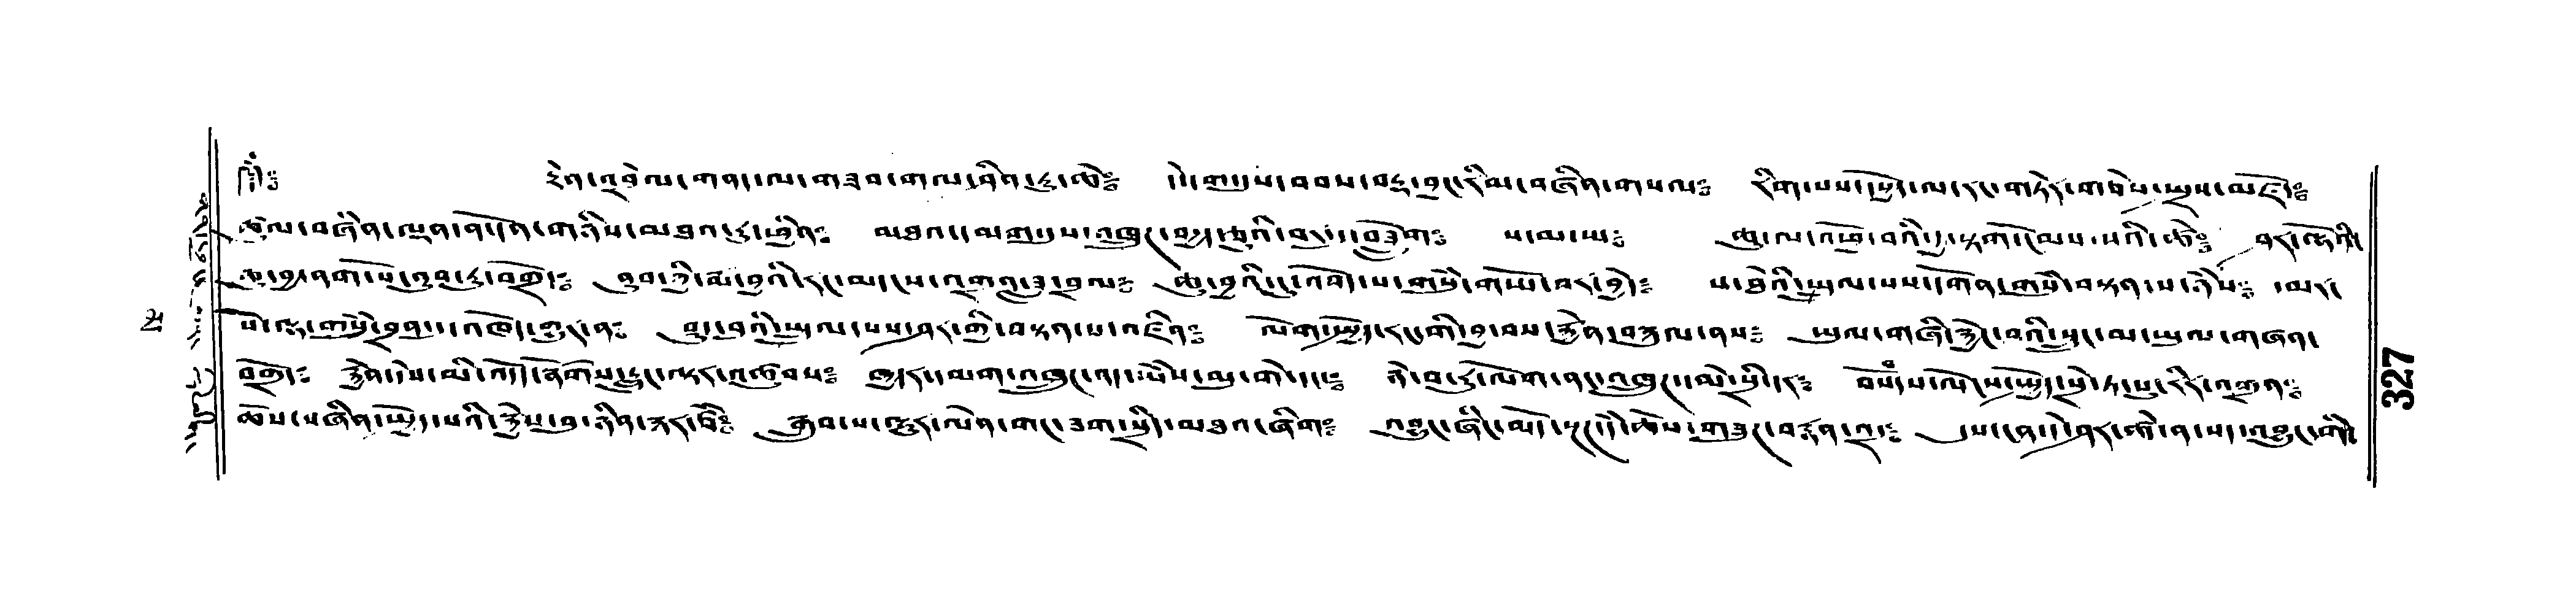རྟེན་འབྲེལ་གནད་ལ་གཟབ་གལ་ཤིན་ཏུ་ཆེ༔ དེ་དག་དུས་བབས་བརྡ་བྱང་རིམ་བཞིན་གསལ༔ རིག་པས་དཔྱོད་ལ་རང་གཏེར་གཅེས་སྤྲས་མཛོད༔ 
ཚུལ་བཞིན་ལྡན་ན་དོན་གཉིས་མཐའ་རུ་ཕྱིན༔ མཐའ་དམག་དུས་འཁྲུགས་བརྒྱད་ཅུའི་བར་དུ་བཟློག༔ ས་མ་ཡ༔ ཆུ་ལ་འཕྱོ་བའི་རྒྱ་སྟག་ངོམས་པའི་ཚེ༔ ཤར་ལྷོའི་
ཆུ་བྱ་ནག་པོ་ནུབ་ཏུ་བགྲོད༔ ནུབ་ཀྱི་རྨ་བྱའི་རང་མདངས་འགྲན་ཟླ་བྲལ༔ ཆུ་བྱའི་ངུ་འབོད་ས་གསུམ་གཡོ་བར་བྱེད༔ ས་ཐེའི་སྤྲུལ་པས་དགོན་གསུམ་བསྟན་པ་ཉམས༔ དམར་
པོ་ལྷ་གསུམ་བྲན་དུ་འཁོལ་གྱུར་ན༔ ཤུད་བུའི་སྤྲུལ་པས་ཤར་གྱི་བསྟན་པ་འཛིན༔ ལོག་སྤྱོད་རང་གི་བྱ་བས་རྐྱེན་བསྐུལ་ནས༔ ཡུལ་གཞི་སྐྱོང་བའི་སྲུང་མ་ཡུལ་གཞན་
བགྲོད༔ རྐྱེན་དེས་མི་འདོད་སྣ་ཚོགས་རླུང་ལྟར་འཚུབས༔ ཁྱད་པར་དམག་འཁྲུགས་ནད་ཡམས་མུ་གེ་དང༔ ཉེ་བ་རུ་ལོག་ནང་འཁྲུགས་དམེ་སྲི་དར༔ བསོད་ནམས་ལོངས་སྤྱོད་པྲེ་ཏ་པུ་རིར་འགྲན༔ 
ཆོས་བཞིན་སྤྱོད་པའི་སྐྱེས་བུ་ཉིན་སྐར་ཙམ༔ སྒྲུབ་པ་ལྷུར་ལེན་གང་ཟག་སྲིད་མཐའ་ཞིག༔ འབྱུང་ཞིང་མདོ་སྔགས་དམ་ཆོས་གཟུགས་བརྙན་འདྲ༔ དུས་ངན་དེ་ཤར་ཚེ་ན་པད་འབྱུང་གི༔